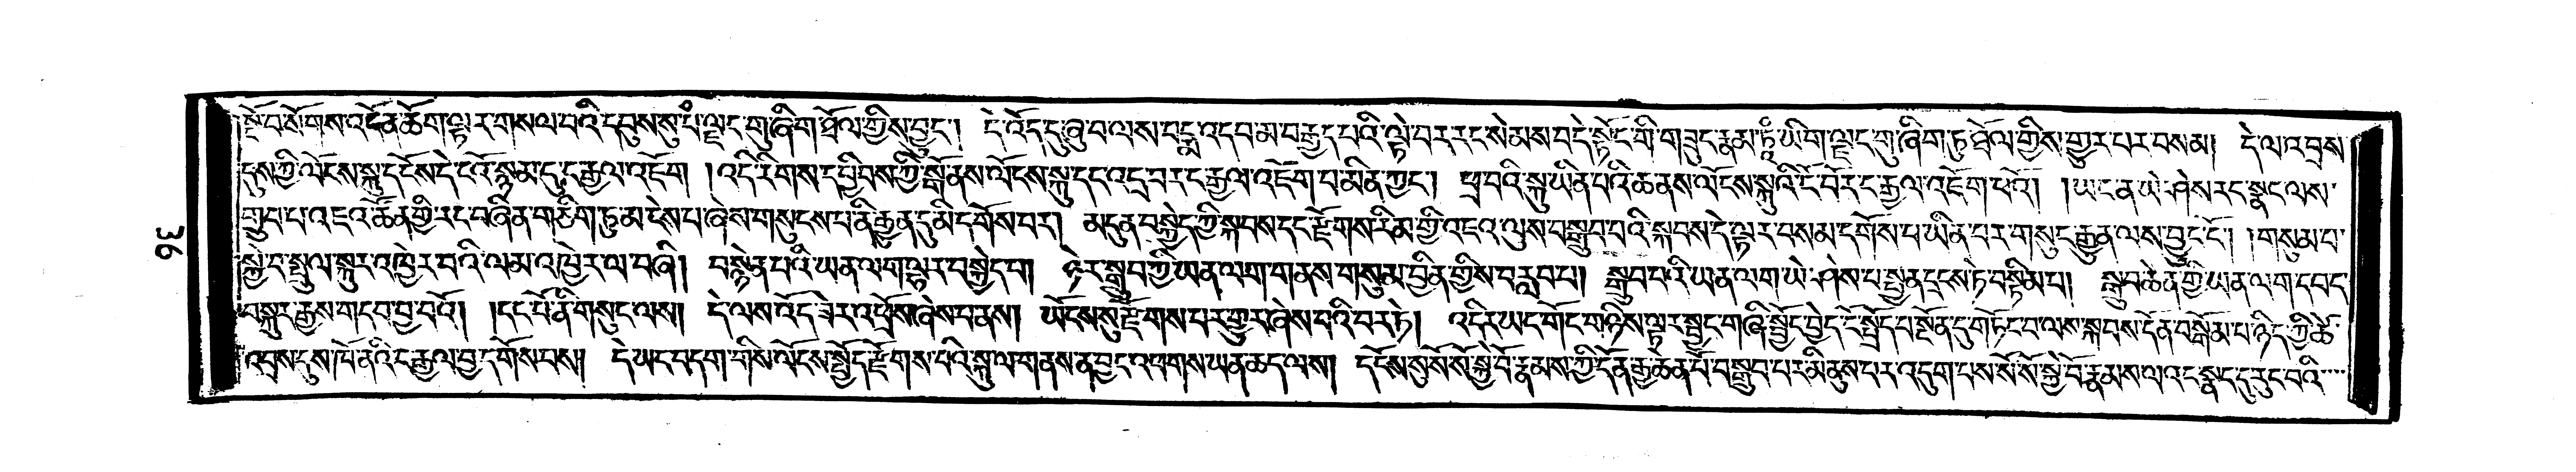སྔོ་བ་སོགས་འདོན་ཆོག་ལྟར་གསལ་བའི་དབུས་སུ་བཾ་ལྗང་གུ་ཞིག་ཐོལ་གྱིས་བྱུང་། དེ་འོད་དུ་ཞུ་བ་ལས་པདམ་འདབ་མ་བརྒྱད་པའི་ལྟེ་བར་རང་སེམས་བདེ་སྟོང་གི་གཟུང་རྣམ་ཏཱཾ་ཡིག་ལྗང་གུ་ཞིག་ཏུ་ཐོལ་གྱིས་གྱུར་པར་བསམ། དེ་ལ་འབྲས་
དུས་ཀྱི་ལོངས་སྐུ་དངོས་དེ་ངའོ་སྙམ་དུ་ང་རྒྱལ་འཇོག །འདི་རིགས་དབྱིབས་ཀྱི་སྒོ་ནས་ལོངས་སྐུ་དང་འདྲ་བར་ང་རྒྱལ་འཇོག་པ་མིན་ཡང་། ཕྲ་བའི་སྐུ་ཡིན་པའི་ཆ་ནས་ལོངས་སྐུའི་ངོ་བོར་ང་རྒྱལ་འཇོག་པའོ། །ཡང་ན་ཡེ་ཤེས་རང་སྣང་ལས་
གྲུབ་བ་འཇའ་ཚོན་གྱི་རང་བཞིན་གཅིག་ཏུ་མ་ངེས་པ་ཞེས་གསུངས་པ་ནི་རྒྱུན་དུ་མི་དགོས་པར། མདུན་བསྐྱེད་ཀྱི་སྐབས་དང་རྫོགས་རིམ་གྱི་འཇའ་ལུས་བསྒྲུབ་པའི་སྐབས་དེ་ལྟར་བསམ་དགོས་པ་ཡིན་པར་གསུང་རྒྱུན་ལས་བྱུང་ངོ། །གསུམ་པ་
སྐྱེ་བ་སྤྲུལ་སྐུར་འཁྱེར་བའི་ལམ་འཁྱེར་ལ་བཞི། བསྙེན་པའི་ཡན་ལག་ལྷར་བསྐྱེད་པ། ཉེར་སྒྲུབ་ཀྱི་ཡན་ལག་གནས་གསུམ་བྱིན་གྱིས་བརླབ་པ། སྒྲུབ་པའི་ཡན་ལག་ཡེ་ཤེས་པ་སྤྱན་དྲངས་ཏེ་བསྟིམ་པ། སྒྲུབ་ཆེན་གྱི་ཡན་ལག་དབང་
བསྐུར་རྒྱས་གདབ་བྱ་བའོ། །དང་པོ་ནི་གསུང་ལས། དེ་ལས་འོད་ཟེར་འཕྲོས་ཞེས་པ་ནས། ཡོངས་སུ་རྫོགས་པར་གྱུར་ཅེས་པའི་བར་ཏེ། འདིར་ཡང་གོང་གཉིས་ལྟར་སྦྱང་གཞི་སྦྱོང་བྱེད་ངོ་སྤྲོད་པ་སྔོན་དུ་གཏོང་བ་ལས་སྐབས་དོན་བསྒོམ་པ་ཉིད་ཀྱི་ཚེ་
འབྲས་དུས་ཁོ་ནའི་ང་རྒྱལ་བྱ་དགོས་པས། དེ་ཡང་བདག་གིས་ལོངས་སྤྱོད་རྫོགས་པའི་སྐུ་ལ་གནས་ན་བྱང་འཕགས་ཡན་ཆད་ལས། དངོས་སུ་སོ་སོ་སྐྱེ་བོ་རྣམས་ཀྱི་དོན་རྒྱ་ཆེན་པོ་བསྒྲུབ་པར་མི་ནུས་པར་འདུག་པས་སོ་སོ་སྐྱེ་བོ་རྣམས་ལའང་སྣང་དུ་རུང་བའི་